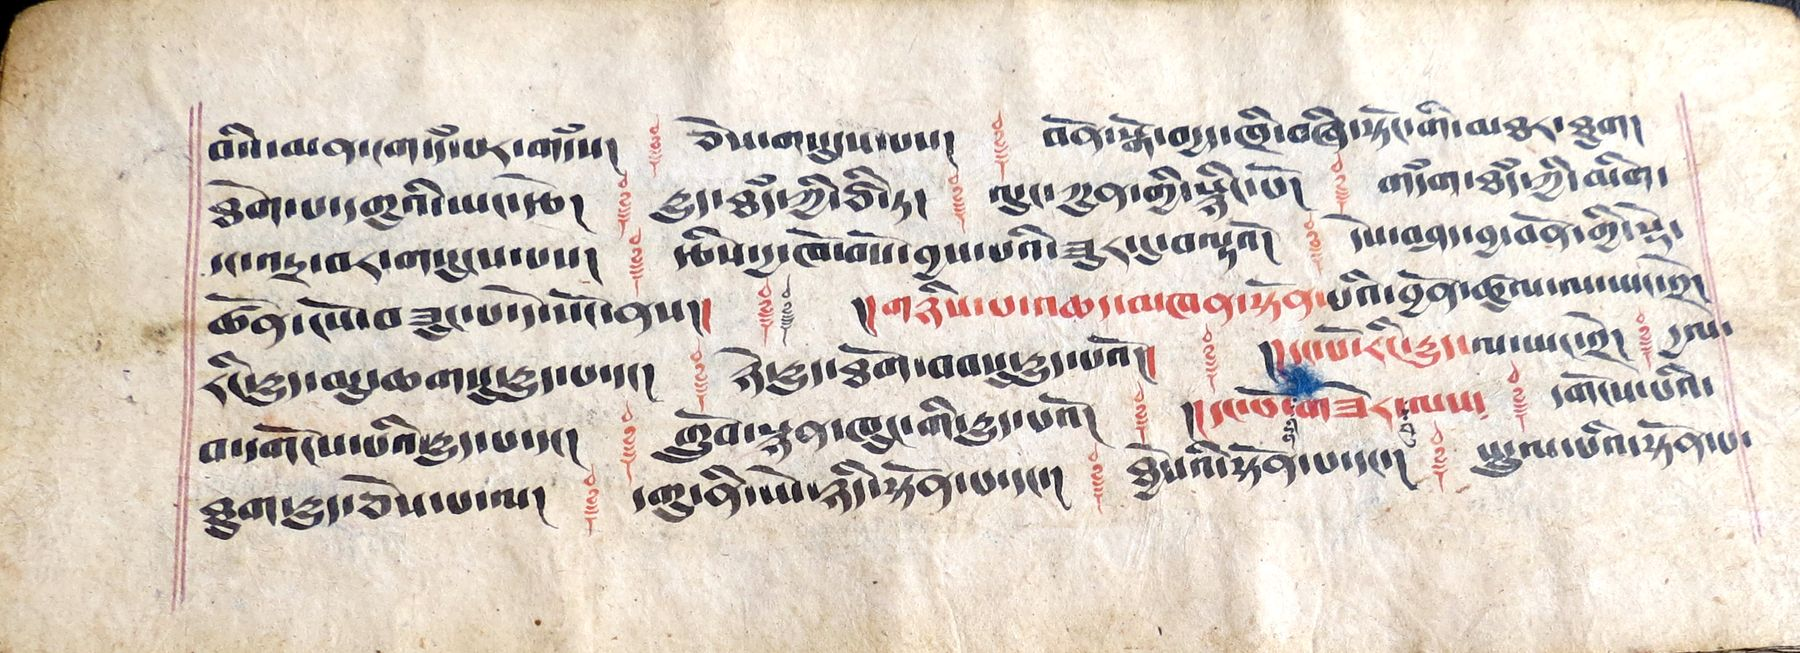བའི་མན་ངག་དམ་པར་གདམས། ཞེས་གསུངས་པས། བོན་སྒོ་བརྒྱད་ཁྲི་བཞི་སྟོང་གི་མཐར་ཐུག'
ཐེག་པ་དགུའི་ཡང་རྩེ། རྒྱུད་ཐམས་ཅད་ཀྱི་ཙི་ཏ། ལུང་ཐམས་ཅད་ཀྱི་སྙིང་པོ། གདམས་ངག་ཐམས་ཅད་ཀྱི་མིག་
དང་འདྲ་བར་གསུངས་པས་དེས་བཤད་བྱ། རྩིས་རྒྱ་ཁོ་བོས་བྱས་པ་ཟུར་དུ་བལྟའོ། བོན་གྱི་སྡེ་
ཚན་ངོས་བཟུང་པ་དེ་སོང་ནས། གཉིས་པ་འཆད་མཁན་སྟོན་པའི་བྱུང་ཚུལ་ལ་ཡང་གཉིས་ཏེ། 
རིང་རྒྱུད་མུ་ཆགས་སུ་བརྒྱུད་པ་དང་། ཉེ་རྒྱུད་ཐོག་བབས་སུ་བརྒྱུད་པའོ། ། དང་པོ་རིང་རྒྱུད་ལ་ཡང་གཉིས་ཏེ། རྒྱལ་
བ་དགོངས་པའི་བརྒྱུད་པ་དང་། གྲུབ་ཐོབ་སྙན་ཁུང་གི་བརྒྱུད་པའོ། ། དང་པོ་ནི། གཟེར་བུ་ལས། དགོངས་པའི་
ཐུགས་བརྒྱུད་ཅེས་པ་ལ། དགུ་ནི་ཡེ་ཉིད་སྟོན་པ་དང་། ཐུགས་རྗེའི་སྟོན་པ་དང་། སྤྲུལ་པའི་སྟོན་པ་